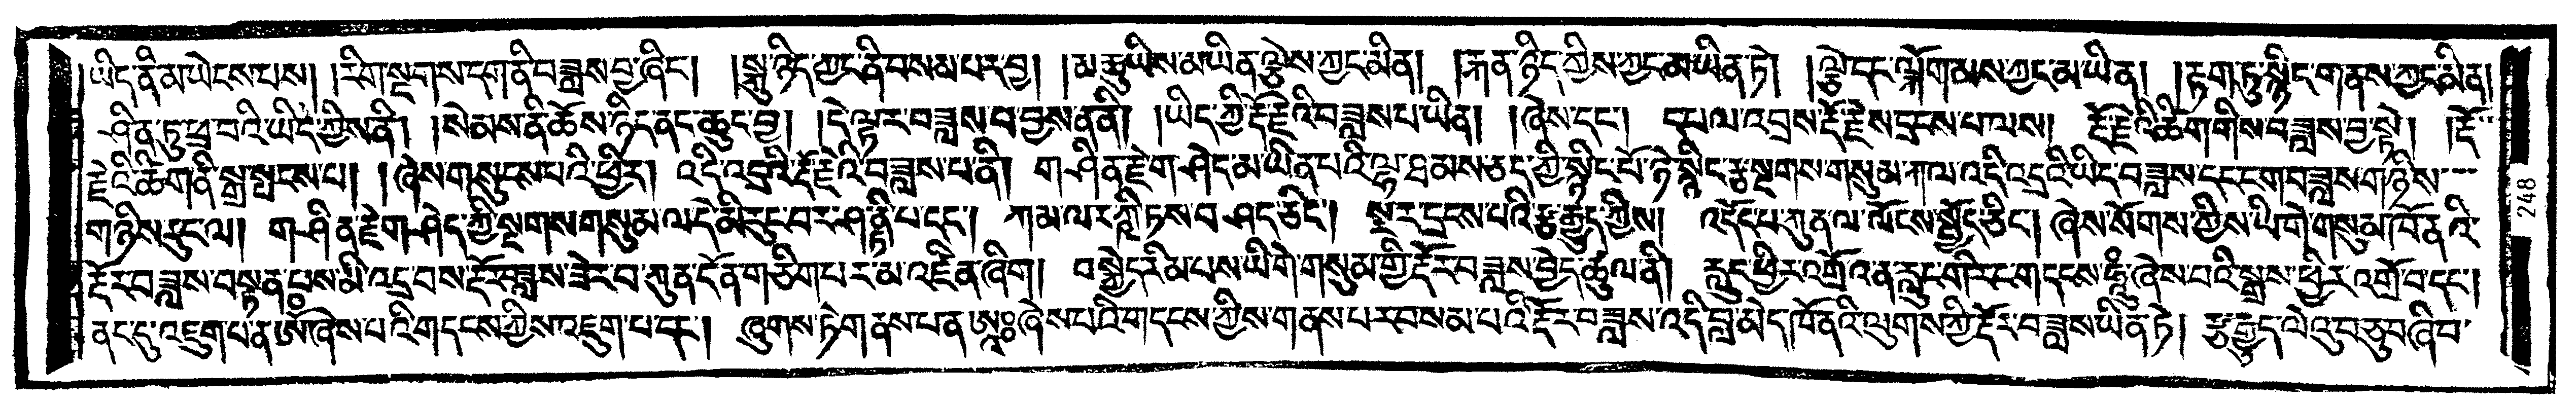ཡིད་ནི་མ་ཡེངས་པས། །རིག་སྔགས་དག་ནི་བཟླས་བྱ་ཞིང་། །སྐུ་ཉིད་ཀྱང་ནི་བསམ་པར་བྱ། །མཆུ་ཡིས་མ་ཡིན་ལྕེས་ཀྱང་མིན། །རྐན་ཉིད་ཀྱིས་ཀྱང་མ་ཡིན་ཏེ། །ལྕེ་དང་ལྐོག་མས་ཀྱང་མ་ཡིན། །རྟག་ཏུ་སྙིང་ག་ནས་ཀྱང་མིན།
ཤིན་ཏུ་ཕྲ་བའི་ཡིད་ཀྱིས་ནི། །སེམས་ནི་ཆོས་ཉིད་ནང་ཆུང་བྱ། །དེ་ལྟར་བཟླས་པ་བྱས་ན་ནི། །ཡིད་ཀྱི་རྡོ་རྗེའི་བཟླས་པ་ཡིན། །ཞེས་དང་། དཔལ་འབྲས་རྡོ་རྗེས་དྲངས་པ་ལས། རྡོ་རྗེའི་ཚིག་གིས་བཟླས་བྱ་སྟེ། །རྡོ་
རྗེའི་ཚིག་ནི་སྒྲ་སྤངས་པ། །ཞེས་གསུངས་པའི་ཕྱིར། འདི་འདྲའི་རྡོ་རྗེའི་བཟླས་པ་ནི། གཤིན་རྗེ་གཤེད་མ་ཡིན་པའི་ལྷ་ཐམས་ཅད་ཀྱི་སྙིང་པོ་ཉེ་སྙིང་རྩ་སྔགས་གསུམ་ཀ་ལ་འདི་འདྲའི་ཡིད་བཟླས་དང་ངག་བཟླས་གཉིས་
གཉིས་རུང་ལ། གཤིན་རྗེ་གཤེད་ཀྱི་སྔགས་གསུམ་ལ་དེ་མི་རུང་བར་ཤནྟི་པ་དང་། ཀམ་ལ་རཀྵི་ཏས་བཤད་ཅིང་། སྔར་དྲངས་པའི་རྩ་རྒྱུད་ཀྱིས། འདོད་པ་ཀུན་ལ་ལོངས་སྤྱོད་ཅིང་། ཞེས་སོགས་ཀྱིས་ཡི་གེ་གསུམ་ཁོ་ནའི་
རྡོར་བཟླས་བསྟན་པས་མི་འདྲ་བས་རྡོར་བཟླས་ཟེར་བ་ཀུན་དོན་གཅིག་པར་མ་འཛིན་ཞིག། བསྐྱེད་རིམ་པས་ཡི་གེ་གསུམ་གྱི་རྡོར་བཟླས་བྱེད་ཚུལ་ནི། རླུང་ཕྱིར་འགྲོ་ན་རླུང་གི་རང་གདངས་ཧཱུཾ་ཞེས་པའི་སྒྲས་ཕྱིར་འགྲོ་བ་དང་།
ནང་དུ་འཇུག་པ་ན་ཨོཾ་ཞེས་པའི་གདངས་ཀྱིས་འཇུག་པ་དང་། ཞུགས་ཏེ་གནས་པ་ན་ཨཱཿཞེས་པའི་གདངས་ཀྱིས་གནས་པར་བསམ་པའི་རྡོར་བཟླས་འདི་བླ་མེད་ཁོ་ནའི་ལུགས་ཀྱི་རྡོར་བཟླས་ཡིན་ཏེ། རྩ་རྒྱུད་ལེའུ་བཅུ་བཞི་པ་